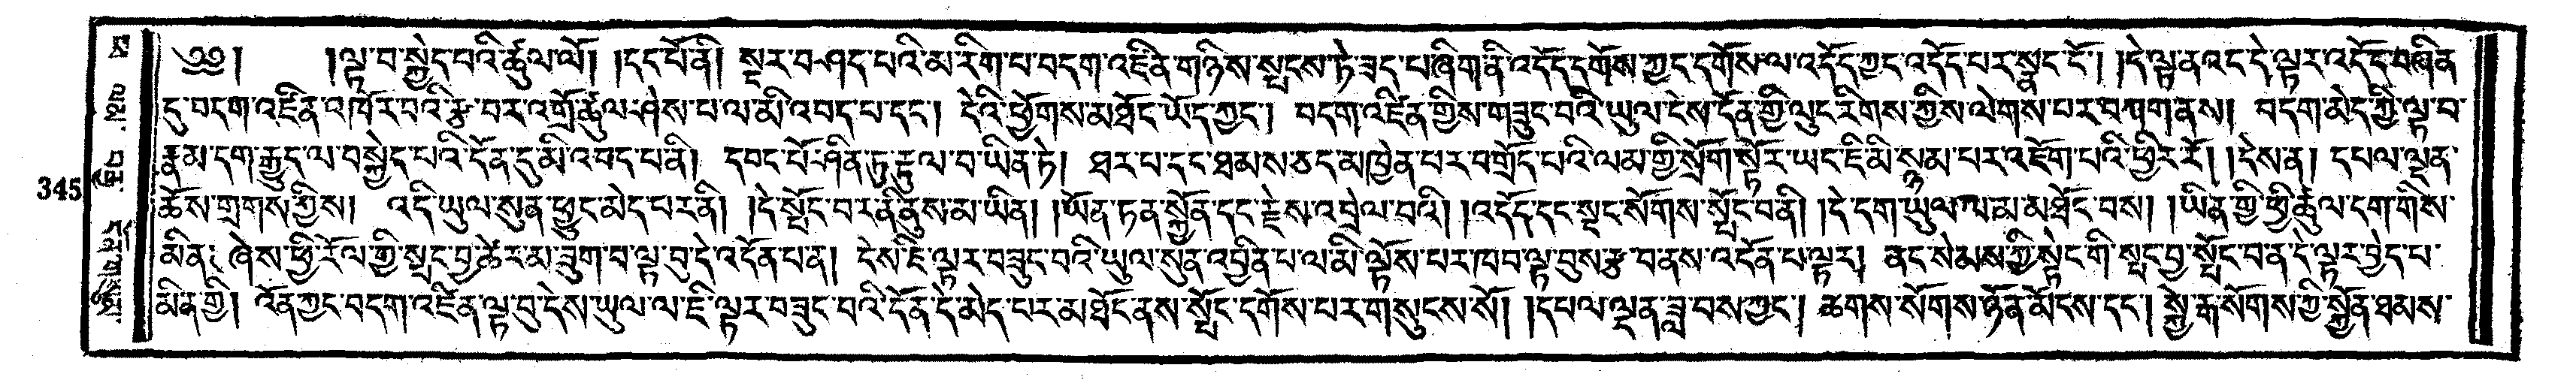༄༅། །ལྟ་བ་སྐྱེད་བའི་ཚུལ་ལོ། །དང་པོ་ནི། །དང་པོ་ནི། སྔར་བཤད་པའི་མ་རིག་པ་བདག་འཛིན་གཉིས་སྤངས་ཏེ་ཟད་པ་ཞིག་ནི་འདོད་དགོས་ཀྱང་དགོས་ལ་འདོད་ཀྱང་འདོད་པར་སྣང་ངོ། །དེ་ལྟ་ནའང་དེ་ལྟར་འདོད་བཞིན་
དུ་བདག་འཛིན་འཁོར་བའི་རྩ་བར་འགྲོ་ཚུལ་ཤེས་པ་ལ་མི་འབད་པ་དང་། དེའི་ཕྱོགས་མཐོང་ཡོད་ཀྱང་། བདག་འཛིན་གྱིས་གཟུང་བའི་ཡུལ་ངེས་དོན་གྱི་ལུང་རིགས་ཀྱིས་ལེགས་པར་བཀག་ནས། བདག་མེད་ཀྱི་ལྟ་བ་
རྣམ་དག་རྒྱུད་ལ་བསྐྱེད་པའི་དོན་དུ་མི་འབད་པ་ནི། དབང་པོ་ཤིན་ཏུ་རྟུལ་བ་ཡིན་ཏེ། ཐར་པ་དང་ཐམས་ཅད་མཁྱེན་པར་བགྲོད་པའི་ལམ་གྱི་སྲོག་སྟོར་ཡང་ཇི་མི་སྙམ་པར་འཇོག་པའི་ཕྱིར་རོ། །དེས་ན། དཔལ་ལྡན་
ཆོས་གྲགས་ཀྱིས། འདི་ཡུལ་སུན་ཕྱུང་མེད་པར་ནི། །དེ་སྤོང་བར་ནི་ནུས་མ་ཡིན། །དེ་སྤོང་བར་ནི་ནུས་མ་ཡིན། །ཡོན་ཏན་སྐྱོན་དང་རྗེས་འབྲེལ་བའི། །འདོད་དང་སྔང་སོགས་སྤོང་བ་ནི། །དེ་དག་ཡུལ་ལ་མ་མཐོང་བས། །ཡིན་གྱི་ཕྱི་ཚུལ་དག་གིས་
མིན༑ ཞེས་ཕྱི་རོལ་གྱི་སྤང་བྱ་ཚེར་མ་ཟུག་པ་ལྟ་བུ་དེ་འདོན་པ་ན། ངེས་ཇི་ལྟར་བཟུང་བའི་ཡུལ་སུན་འབྱིན་པ་ལ་མི་ལྟོས་པར་ཁབ་ལྟ་བུས་རྩ་བ་ནས་འདོན་པ་ལྟར། ནང་སེམས་ཀྱི་སྟེང་གི་སྤང་བྱ་སྤོང་བ་ན་དེ་ལྟར་བྱེད་པ་
མིན་གྱི། འོན་ཀྱང་བདག་འཛིན་ལྟ་བུ་དེས་ཡུལ་ལ་ཇི་ལྟར་བཟུང་བའི་དོན་དེ་མེད་པར་མཐོང་ནས་སྤོང་དགོས་པར་གསུངས་སོ། །དཔལ་ལྡན་ཟླ་བས་ཀྱང་། ཆགས་སོགས་ཉོན་མོངས་དང་། སྐྱེ་རྒ་སོགས་ཀྱི་སྐྱོན་ཐམས་